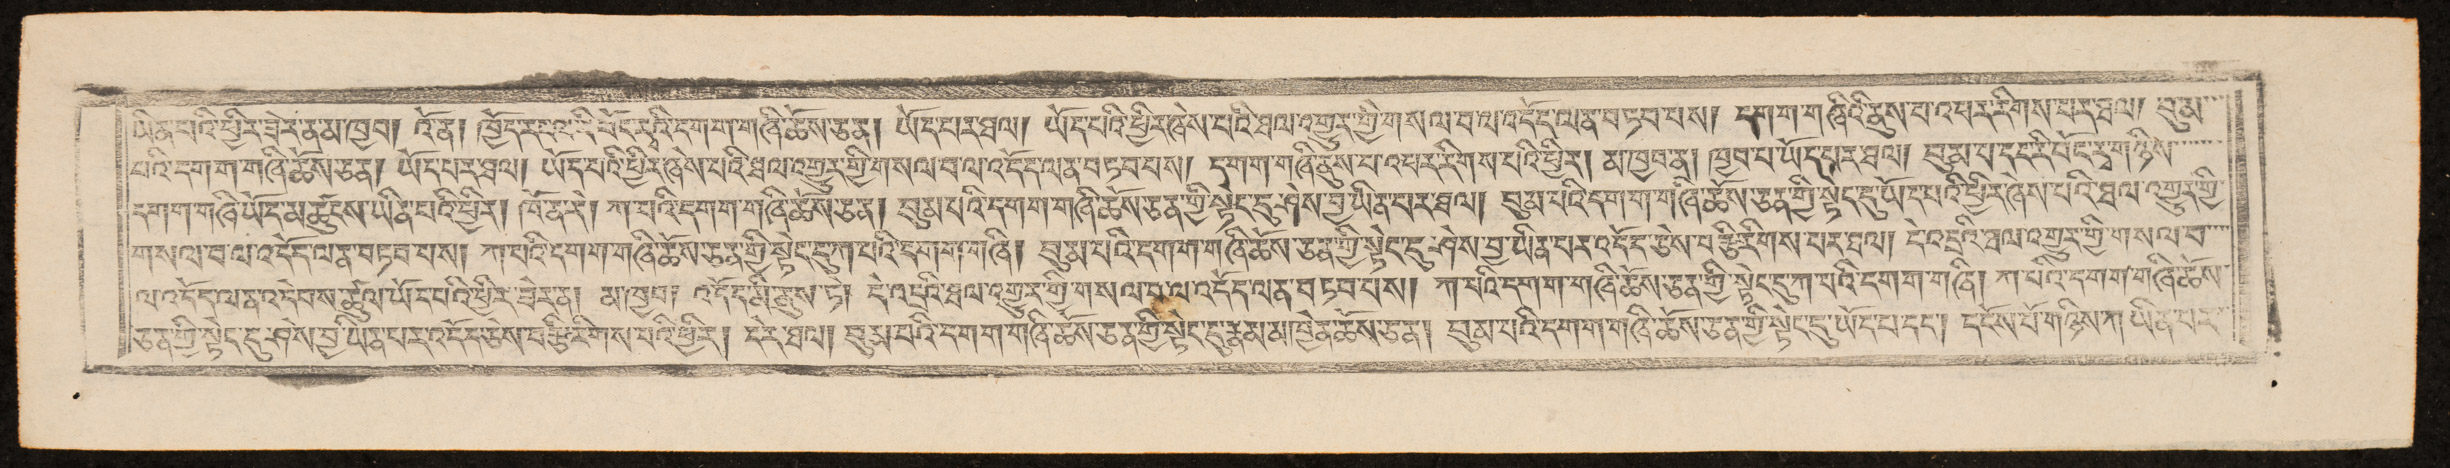ཡིན་པའི་ཕྱིར་ཟེར་ན་མ་ཁྱབ། འོ་ན། ཁྱོད་རང་ལ་རི་བོང་རྭའི་དགག་གཞི་ཆོས་ཅན། ཡོད་པར་ཐལ། ཡོད་པའི་ཕྱིར་ཞེས་པའི་ཐལ་འགྱུར་གྱི་གསལ་བ་ལ་འདོད་ལན་བཏབ་པས། དགག་གཞིའི་ནུས་པ་འཕར་རིགས་པར་ཐལ། བུམ་པའི་དགག་གཞི་ཆོས་ཅན། ཡོད་པར་ཐལ། ཡོད་པའི་ཕྱིར་ཞེས་པའི་ཐལ་འགྱུར་གྱི་གསལ་བ་ལ་འདོད་ལན་བཏབ་པས། དགག་གཞི་ནུས་པ་འཕར་རིགས་པའི་ཕྱིར། མ་ཁྱབ་ན། ཁྱབ་པ་ཡོད་པར་ཐལ། བུམ་པ་དང་རི་བོང་རྭ་གཉིས་
དགག་གཞི་ཡོད་མཚུངས་ཡིན་པའི་ཕྱིར། ཁོ་ན་རེ། ཀ་བའི་དགག་གཞི་ཆོས་ཅན། བུམ་པའི་དགག་གཞི་ཆོས་ཅན་གྱི་སྟེང་དུ་ཤེས་བྱ་ཡིན་པར་ཐལ། བུམ་པའི་དགག་གཞི་ཆོས་ཅན་གྱི་སྟེང་དུ་ཡོད་པའི་ཕྱིར་ཞེས་པའི་ཐལ་འགྱུར་གྱི་
གསལ་བ་ལ་འདོད་ལན་བཏབ་པས། ཀ་བའི་དགག་གཞི་ཆོས་ཅན་གྱི་སྟེང་དུ་ཀ་བའི་དགག་གཞི། བུམ་པའི་དགག་གཞི་ཆོས་ཅན་གྱི་སྟེང་དུ་ཤེས་བྱ་ཡིན་པར་འདོད་ཅེས་བརྩི་རིགས་པར་ཐལ། དེ་འདྲའི་ཐལ་འགྱུར་གྱི་གསལ་བ་
ལ་འདོད་ལན་འདེབས་ཚུལ་ཡོད་པའི་ཕྱིར་ཟེར་ན། མ་ཁྱབ། འདོད་མི་ནུས་ཏེ། དེ་འདྲའི་ཐལ་འགྱུར་གྱི་གསལ་བ་ལ་འདོད་ལན་བཏབ་པས། ཀ་བའི་དགག་གཞི་ཆོས་ཅན་གྱི་སྟེང་དུ་ཀ་བའི་དགག་གཞི། ཀ་བའི་དགག་གཞི་ཆོས་
ཅན་གྱི་སྟེང་དུ་ཤེས་བྱ་ཡིན་པར་འདོད་ཅེས་བརྩི་རིགས་པའི་ཕྱིར། དེར་ཐལ། བུམ་པའི་དགག་གཞི་ཆོས་ཅན་གྱི་སྟེང་དུ་རྣམ་མཁྱེན་ཆོས་ཅན། བུམ་པའི་དགག་གཞི་ཆོས་ཅན་གྱི་སྟེང་དུ་ཡོད་པ་དྣག། དངོས་པོ་གྱིས་ཀ་ཡིན་པར་